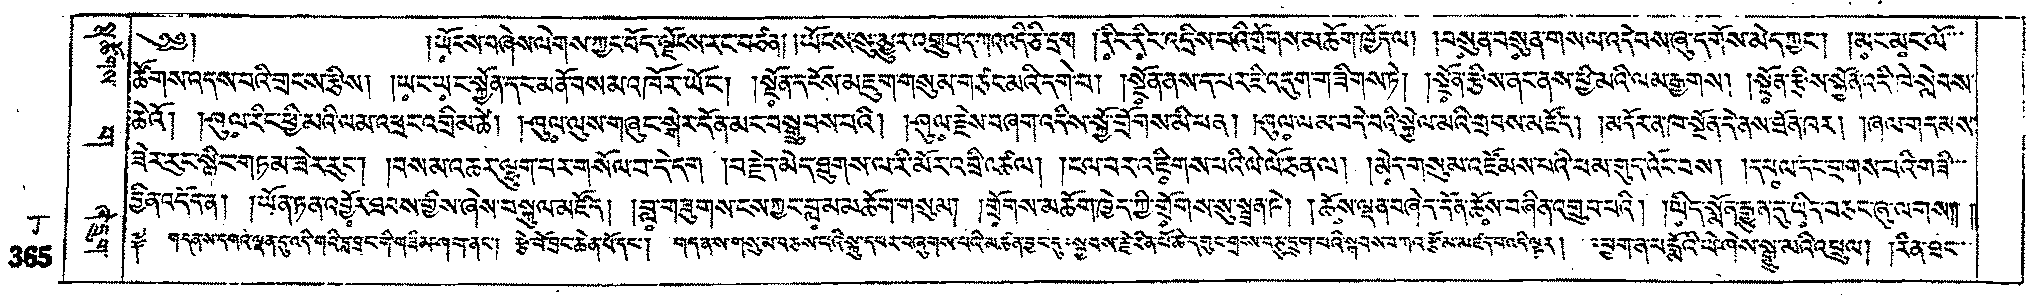༄༅། །ཡོངས྾་བཞེས་ལེགས་ཀྱང་བོད་ལྗོངས་རང་བཙན། །ཡོངས་སུ་མྱུར་འགྲུབ་དཀའ་འདི་ཅི་དྲག །རིང྾་རིང྾་འདྲིས་པའི་གྲོགས་མཆོག་ཁྱོད་ལ། །བསུན྾་བསུན྾་གསལ་འདེབས་ཞུ་དགོས་མེད་ཀྱང་། །མང྾་མང྾་ལོ་་་
ཚོགས་འདས་པའི་གྲངས་རྩིས། །ཡང྾་ཡང྾་སྐྱོན་དང་མནོ་བསམ་འཁོར་ཡོང་། །སྔོན྾་དངོས་མཇུག་གསུམ་གཙང་མའི་དགེ་བ། །སྔོན྾་ནས་ད་པར་ཇི་འདུག་གཟིགས་ཏེ། །སྔོན྾་རྩིས་ནང་ནས་ཕྱི་མའི་ལམ་རྒྱགས། །སྔོན྾་རྩིས་སྐྱོན་འདི་ཁེ་སླེབས་
ཆེའོ། །ཤུལ྾་རིང་ཕྱི་མའི་ལམ་འཕྲང་འགྲིམ་ཚེ། །ཤུལ྾་ལུས་གཞུང་སྒེར་དོན་མང་བསྒྲུབ་པའི། །ཤུལ྾་རྗེས་བཞག་འདིས་སྐྱོ་གྲོགས་མི་ཕན། །ཤུལ྾་ལམ་བདེ་བའི་སྐྱེལ་མའི་གྲབས་མཛོད། །མདོར་ན་ཁ་སྔོན་དེ་ནས་ཐོན་ཁར། །ཞལ་གདམས་
ཟེར་རུང་སྙིང་གཏམ་ཟེར་རུང་། །བསམ་འཆར་ལྷུག་པར་གསོལ་བ་དེ་དག །བརྗེད་མེད་ཐུགས་ལ་རི་མོར་འབྲི་འཚལ། །ངལ་བར་འཇིགས྾་པའི་ལེ་ལོ་ཅན་ལ། །མེད྾་གསུམ་འཛོམས་པའི་ཕམ་གུད་འོང་བས། །དཔལ྾་དང་གྲགས་པའི་གཟི་་་
བྱིན་འདོད་ན། །ཡོན་ཏན་འབྱོར྾་ཐབས་གྱིས་ཞེས་བསྐུལ་མཛོད། །བླ྾་གཟུགས་ངས་ཀྱང་བླ྾་མ་མཆོག་གསུམ། །གྲོགས྾་མཆོག་ཁྱེད་ཀྱི་གྲོགས྾་སུ་སྦྲན་ཏེ། །ཆོས྾་ལྡན་བཞེད་དོན་ཆོས྾་བཞིན་འགྲུབ་པའི། །ཡིད྾་སྨོན་རྒྱུན་དུ་ཡིད྾་བཅང་ཞུ་ལགས།། །
འ་གདན་ས་དགའ་ལྡན་དུ་འདི་གའི་བླ་བྲང་གི་གཟིམ་ཤག་ནང་། །རྩེ་ཕོ་བྲང་ཆེན་པོ་དང་། གདན་ས་གསུམ་བཅས་པའི་སྐུ་དཔར་བཞུགས་པའི་མཚན་བྱང་དུ ༧སྐྱབས་རྗེ་རིན་པོ་ཆེ་དགུང་གྲངས་བཅུ་དྲངས་པའི་སྐབས་བཀའ་རྩོམ་མཛད་འདི་ལྟར། ༧ཕྱག་ན་པདམོའི་ཡེ་ཤེས་སྒྱུ་མའི་འཕྲུལ། །རིན་ཐང་་་